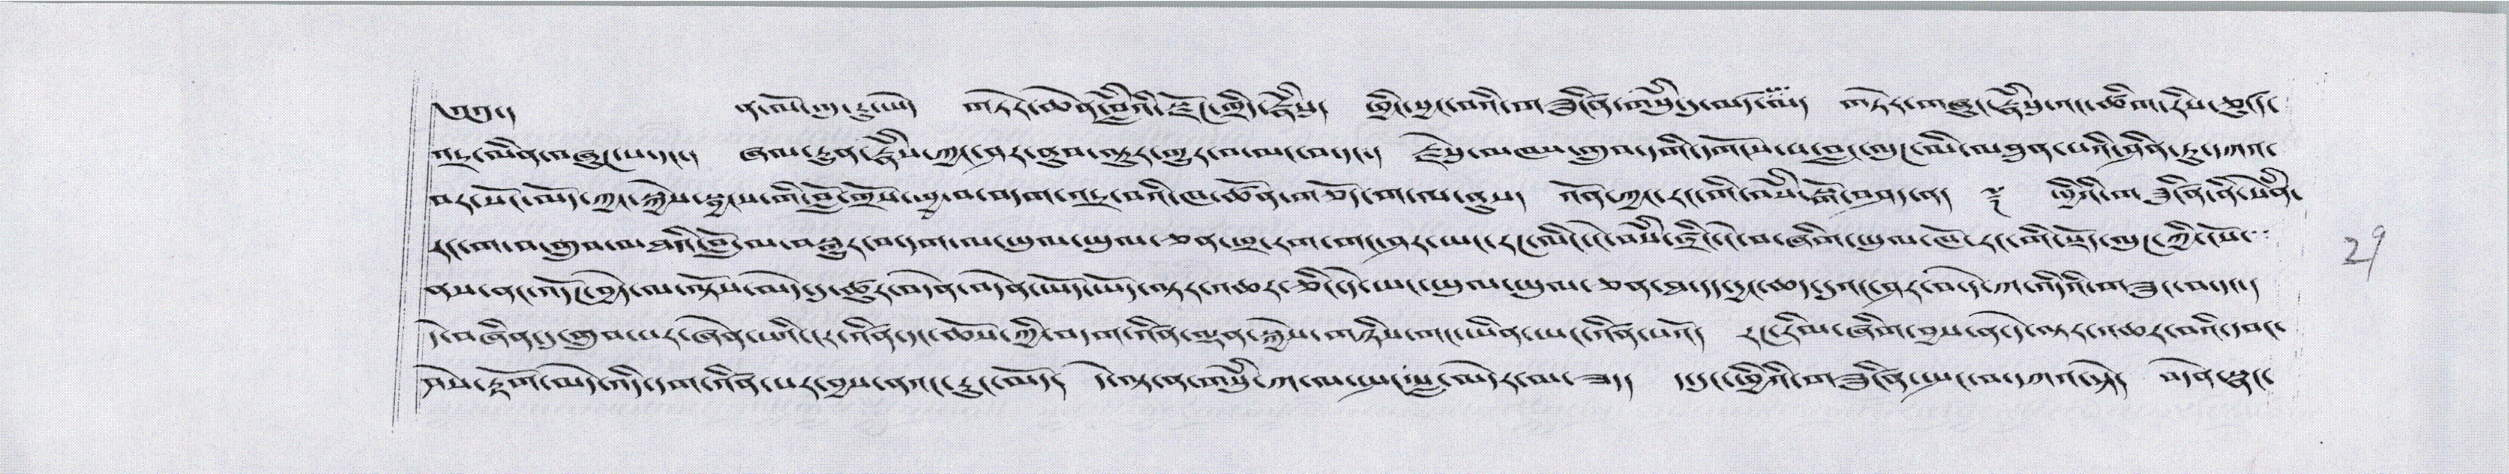༄༅།། ན་མོ་གུ་རུ་ཡེ། གཏེར་ཆེན་བླ་མའི་རྫོགས་ཁྲིད་རྣམས། ཕྱི་ནང་གསང་བའི་གཟུང་འཛིན་གསུམ་དུ་མཛད་པ་ལ། གཏེར་གཞུང་རྣམས་སུའང་ཚིག་རིས་ཅུང་ཟད་
འདྲ་མིན་བཞུགས་པ་དང་། ཞལ་རྒྱུན་རྣམས་ཀྱང་ཤར་ནུབ་ལྟ་བུར་གྱུར་པ་མང་བ་དང་། རྗེས་སུ་མཁས་གྲུབ་དག་གི་དགོངས་པ་བླང་ལུགས་མི་མཐུན་པའི་ཤིན་ཏུ་དཀའ་
བར་སོང་ཡོད་ཀྱང་སྐྱེས་སྦྱངས་ཀྱི་བློ་གྲོས་ཕྲ་བ་བདག་འདྲ་བས་ཁ་ཚོན་གཅོད་ག་ལ་ནུས། འོན་ཀྱང་རང་གི་བསམ་སྒོ་བཤད་ན། ཕྱི་ཡི་གཟུང་འཛིན་ནི་སེམས་ཅན་
རང་ག་བ་གྲུབ་མཐའི་བློ་མ་བསྒྱུར་བ་དག་ཡུལ་ཡུལ་ཅན་ཕྲ་རགས་གང་ཤར་ཡང་རང་ལིང་ངེ་སེམས་ཧྲིང་ངེ་བ་ཞིག་ཡུལ་ཁོ་རང་གི་སྡོད་ལུགས་ཀྱི་ངོས་
ནས་ནང་འདོགས་བྱེད་ལ་ལྟོས་མེད་དུ་ཚུར་བདེན་བདེན་ཡོད་ཡོད་ལྟར་འཆར་ཞིང་དེ་ཡང་ཡུལ་ཡུལ་ཅན་ཐ་དད་རྒྱང་ཆད་དུའང་ཤར་བ་དེ་ཀ་འདི་ཡི་བཟུང་བ་དང་། 
དེ་བཞིན་དུ་གྲུབ་པར་ཞེན་པའི་ངར་འཛིན་དང་། ཆོས་ཀྱི་བདག་འཛིན་ལྷན་སྐྱེས་གཉིས་གང་ཡིན་ཡང་འཛིན་པའོ། རགས་རིམ་ཞིག་བྱས་ན་དེ་ལྟར་འཆར་བའི་དབང་
ཤེས་རྟོག་མེད་འདི་དག་འཛིན་པར་བྱས་ནའང་རུང་མོད། དེ་ལྟ་ན་གསུམ་ཀ་ལ་སྤང་སླ་མེད་པ་མ་ཟད། ད་དུང་ཕྱི་ཡི་གཟུང་འཛིན་སྤང་བ་དཀའ་སྟེ། བདེན་སྣང་